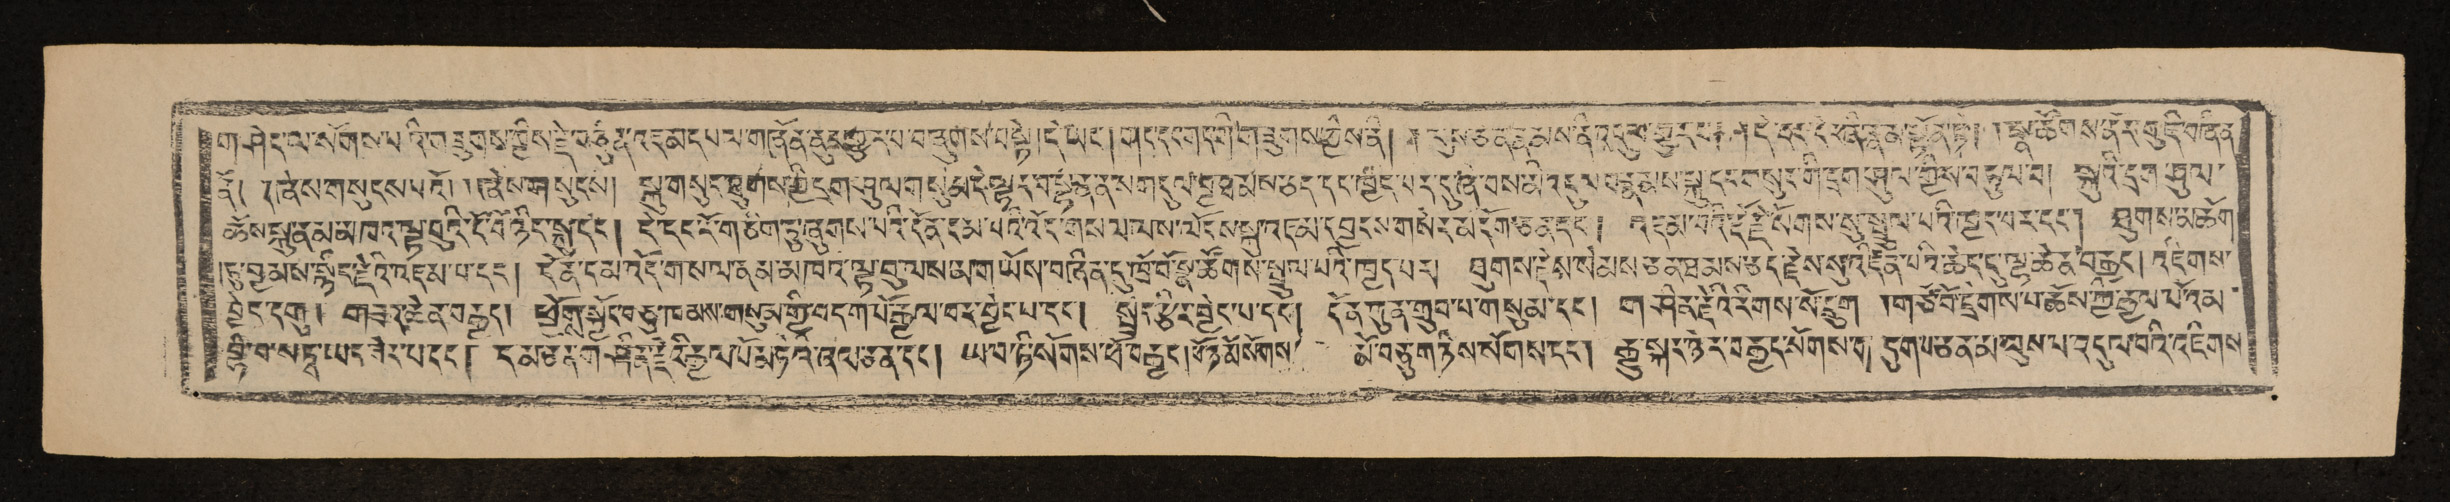གཤེད་ལ་སོགས་པའི་གཟུགས་ཀྱིས་རྗེ་བཙུན་འཇམ་དཔལ་གཞོན་ནུར་གྱུར་པ་བཞུགས་པ་སྟེ། དེ་ཡང་། གང་དང་གང་གི་གཟུགས་ཀྱིས་ནི། །ལུས་ཅན་རྣམས་ནི་འདུལ་གྱུར་པ། །དེ་དང་དེར་ནི་རྣམ་སྟོན་ཏེ། །སྣ་ཚོགས་ནོར་བུ་ཇི་བཞིན་
ནོ༑ ༑ཞེས་གསུངས་པའོ། །ཞེས་གསུངས། སྐུ་གསུང་ཐུགས་ཀྱི་དྲག་ཤུལ་གསུམ་དེ་ལྟར་བསྟན་ནས་གདུལ་བྱ་ཐམས་ཅད་དང་ཁྱད་པར་དུ་ཞི་བས་མི་འདུལ་བ་རྣམས་སྐུ་དང་གསུང་གི་དྲག་ཤུལ་གྱིས་བཏུལ་བ། སྐུའི་དྲག་ཤུལ་
ཆོས་སྐུ་ནམ་མཁའ་ལྟ་བུའི་ངོ་བོ་ཉིད་སྐུ་དང་། དེ་དང་རོ་གཅིག་ཏུ་ཞུགས་པའི་དོན་དམ་པའི་འོད་གསལ་ལས་ལོངས་སྐུ་འཇམ་དབྱངས་གསེར་མདོག་ཅན་དང་། འཇམ་པའི་རྡོ་རྗེ་སོགས་སུ་སྤྲུལ་པའི་ཁྱད་པར་དང་། ཐུགས་མཆོག་
ཏུ་བྱམས་སྙིང་རྗེའི་འཇམ་པ་དང་། དོན་དམ་འོད་གསལ་ནམ་མཁའ་ལྟ་བུ་ལས་མ་གཡོས་བཞིན་དུ་ཁྲོ་བོ་སྣ་ཚོགས་སྤྲུལ་པའི་ཁྱད་པར། ཐུགས་རྗེས་སེམས་ཅན་ཐམས་ཅད་རྗེས་སུ་འཛིན་པའི་ཆེད་དུ་ལྷ་ཆེན་བརྒྱད། འཇིགས་
བྱེད་དགུ། གཟའ་ཆེན་བརྒྱད། ཕྱོགས་སྐྱོང་བཅུ་ཁམས་གསུམ་གྱི་བདག་པོ་རྒྱལ་བར་བྱེད་པ་དང་། སྦྲང་རྩིར་བྱེད་པ་དང་། དོན་ཀུན་གྲུབ་པ་གསུམ་དང་། གཤིན་རྗེའི་རིགས་སོ་དྲུག །གཙོ་བོ་དྲེགས་པ་ཆོས་ཀྱི་རྒྱལ་པོ་འམ་
བྷཻ་བ་སཏྭ་ཡང་ཟེར་བ་དང་། དམ་ཅན་གཤིན་རྗེའི་རྒྱལ་པོ་མ་ཧེའི་ཞལ་ཅན་དང་། ཡབ་ཏི་སོགས་ཕོ་བརྒྱད། ཕོ་ཉ་མོ་སོགས་མོ་བཅུ་གཉིས་སོགས་དང་། རྒྱུ་སྐར་ཉེར་བརྒྱད་སོགས་གདུག་པ་ཅན་མ་ལུས་པ་འདུལ་བའི་འཇིགས་